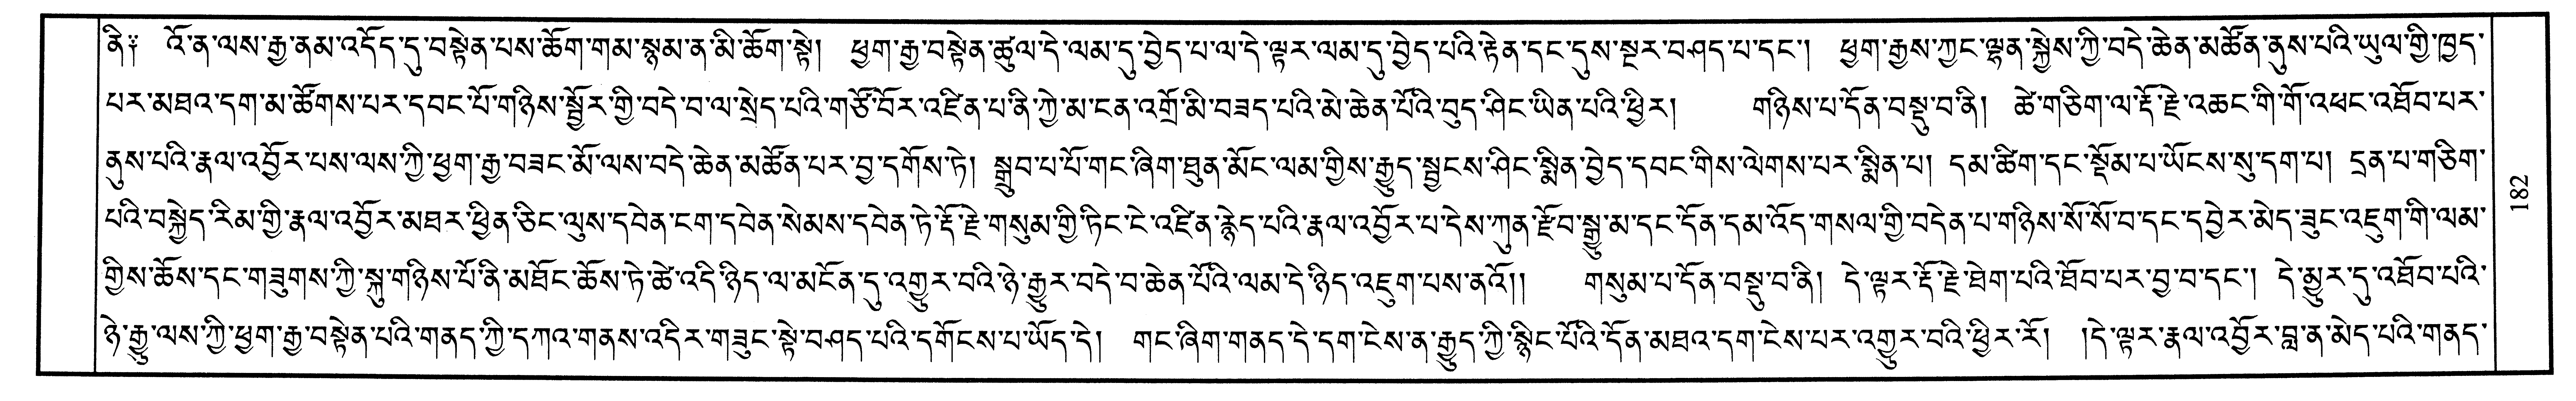ནི། འོ་ན་ལས་རྒྱ་ནམ་འདོད་དུ་བསྟེན་པས་ཆོག་གམ་སྙམ་ན་མི་ཆོག་སྟེ། ཕྱག་རྒྱ་བསྟེན་ཚུལ་དེ་ལམ་དུ་བྱེད་པ་ལ་དེ་ལྟར་ལམ་དུ་བྱེད་པའི་རྟེན་དང་དུས་སྔར་བཤད་པ་དང་། ཕྱག་རྒྱས་ཀྱང་ལྷན་སྐྱེས་ཀྱི་བདེ་ཆེན་མཚོན་ནུས་པའི་ཡུལ་གྱི་ཁྱད་
པར་མཐའ་དག་མ་ཚོགས་པར་དབང་པོ་གཉིས་སྦྱོར་གྱི་བདེ་བ་ལ་སྲེད་པའི་གཙོ་བོར་འཛིན་པ་ནི་ཀྱེ་མ་ངན་འགྲོ་མི་བཟད་པའི་མེ་ཆེན་པོའི་བུད་ཤིང་ཡིན་པའི་ཕྱིར། གཉིས་པ་དོན་བསྡུ་བ་ནི། ཚེ་གཅིག་ལ་རྡོ་རྗེ་འཆང་གི་གོ་འཕང་འཐོབ་པར་
ནུས་པའི་རྣལ་འབྱོར་པས་ལས་ཀྱི་ཕྱག་རྒྱ་བཟང་མོ་ལས་བདེ་ཆེན་མཚོན་པར་བྱ་དགོས་ཏེ། སྒྲུབ་པ་པོ་གང་ཞིག་ཐུན་མོང་ལམ་གྱིས་རྒྱུད་སྦྱངས་ཤིང་སྨིན་བྱེད་དབང་གིས་ལེགས་པར་སྨིན་པ། དམ་ཚིག་དང་སྡོམ་པ་ཡོངས་སུ་དག་པ། དྲན་པ་གཅིག་
པའི་བསྐྱེད་རིམ་གྱི་རྣལ་འབྱོར་མཐར་ཕྱིན་ཅིང་ལུས་དབེན་ངག་དབེན་སེམས་དབེན་ཏེ་རྡོ་རྗེ་གསུམ་གྱི་ཏིང་ངེ་འཛིན་རྙེད་པའི་རྣལ་འབྱོར་བ་དེས་ཀུན་རྫོབ་སྒྱུ་མ་དང་དོན་དམ་འོད་གསལ་གྱི་བདེན་པ་གཉིས་སོ་སོ་བ་དང་དབྱེར་མེད་ཟུང་འཇུག་གི་ལམ་
གྱིས་ཆོས་དང་གཟུགས་ཀྱི་སྐུ་གཉིས་པོ་ནི་མཐོང་ཆོས་ཏེ་ཚེ་འདི་ཉིད་ལ་མངོན་དུ་འགྱུར་བའི་ཉེ་རྒྱུར་བདེ་བ་ཆེན་པོའི་ལམ་དེ་ཉིད་འཇུག་པས་ནའོ།། གསུམ་པ་དོན་བསྡུ་བ་ནི། དེ་ལྟར་རྡོ་རྗེ་ཐེག་པའི་ཐོབ་པར་བྱ་བ་དང་། དེ་མྱུར་དུ་འཐོབ་པའི་
ཉེ་རྒྱུ་ལས་ཀྱི་ཕྱག་རྒྱ་བསྟེན་པའི་གནད་ཀྱི་དཀའ་གནས་འདིར་གཟུང་སྟེ་བཤད་པའི་དགོངས་པ་ཡོད་དེ། གང་ཞིག་གནད་དེ་དག་ངེས་ན་རྒྱུད་ཀྱི་སྙིང་པོའི་དོན་མཐའ་དག་ངེས་པར་འགྱུར་བའི་ཕྱིར་རོ། །དེ་ལྟར་རྣལ་འབྱོར་བླ་ན་མེད་པའི་གནད་